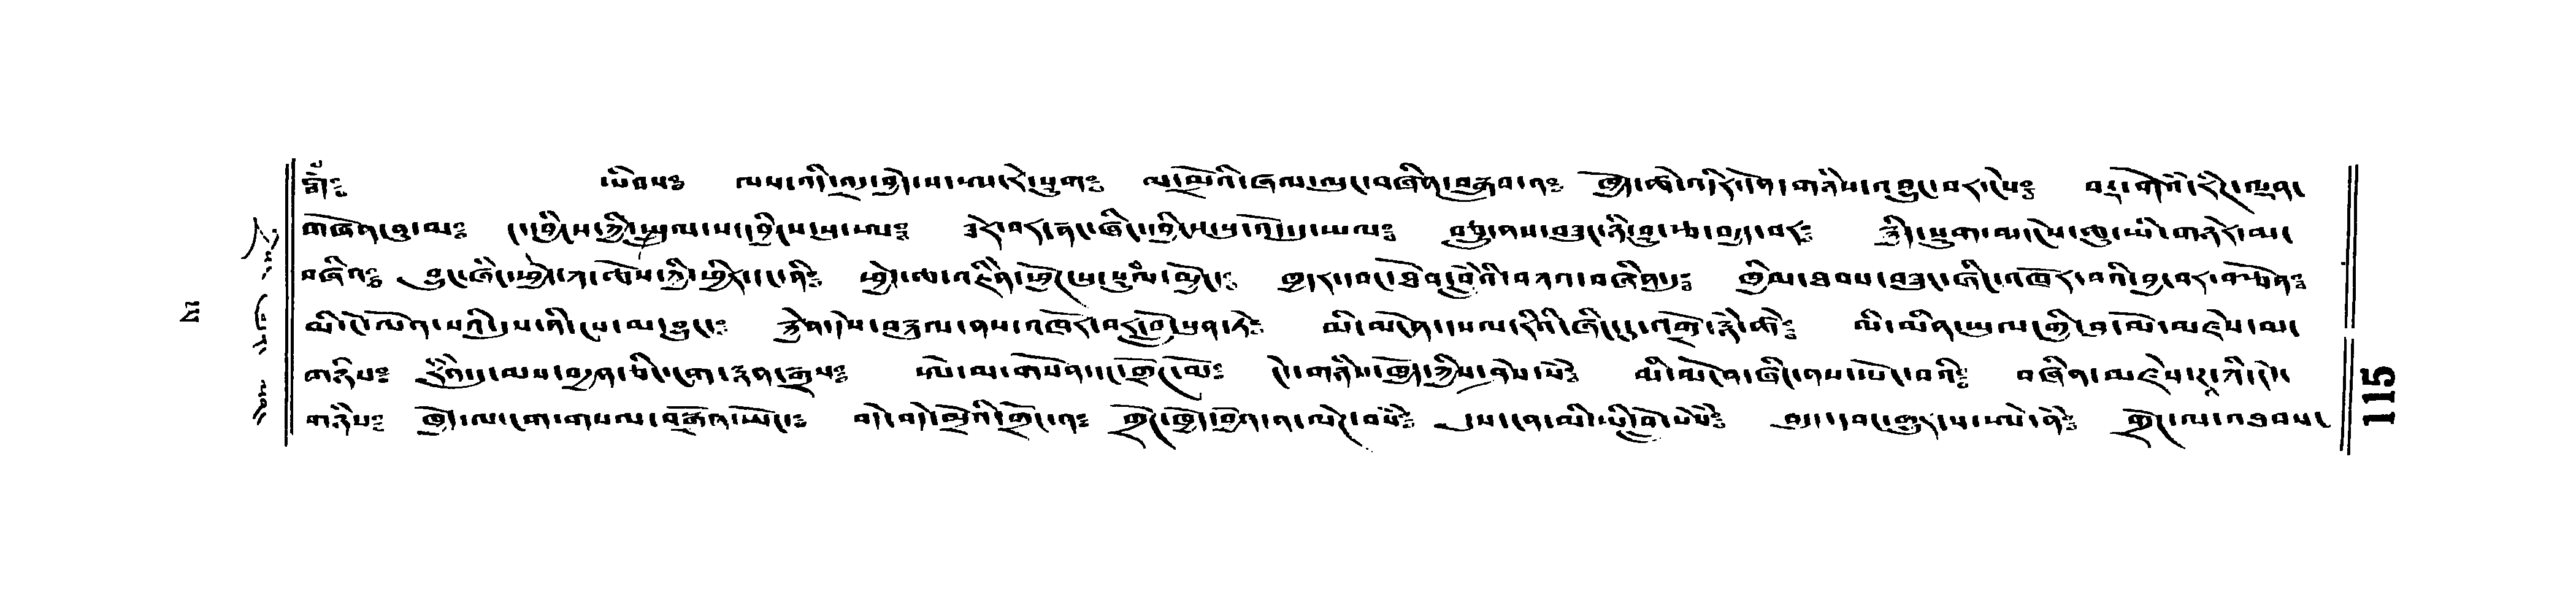ཡིབས༔ ལས་འདི་འདྲ་བྱེད་པ་ཨ་རེ་སྡུག༔ མ་མཁའ་འགྲོའི་ཞལ་ལུང་བཞིན་བསྒྲུབ་ན༔ ཁྱོད་ཚེ་འདིར་དོན་གཉིས་འབྱུང་བར་ངེས༔བརྡ་གོའམ་རིགས་ལྡན་
གཞོན་ནུ་མ༔ ང་དབྱིངས་ཀྱི་སྤྲུལ་པ་དབྱིངས་སུ་ཨ༔ ཟེར་བར་སྣང་ཞིང་དབྱིངས་སུ་འོད་དུ་ཡལ༔ བཅུ་དྲུག་ནས་བཟུང་ཉི་ཤུ་རྩ་བརྒྱད་བར༔ སྐྱིད་སྡུག་མ་ངེས་ཆུ་ཡི་གཉེར་མ་
བཞིན༔ བྱུང་ཞིང་ཕྱེད་ཀ་ཆོས་ཀྱི་ཕྱིར་དང་ནི༔ ཕྱེད་ཆ་འཇིག་རྟེན་ཕྱོགས་སུ་སྡུག་བསྔལ་མྱོང༔ ཁྱད་པར་དབང་ཐོབ་བླ་མའི་བཀའ་བཞིན་དུ༔ ཁྱིམ་ཐབས་བཟུང་ཞིང་འཁོར་བའི་བྱ་བར་བརྩོན༔ 
མི་ངོ་ལོན་པའི་དུས་ནི་ངས་མ་བྱུང༔ རྐྱེན་དེས་བསྐུལ་ནས་འཁོར་བར་བློ་སུན་ཏེ༔ མི་མངོན་དཔལ་རིའི་ཞིང་དུ་འགྲོ་སྙམ་ཚེ༔ མི་མིན་ཡུལ་གྱི་བུ་མོ་མཛེས་མ་
གཉིས༔ རིན་ཆེན་དུ་མས་བརྒྱན་ཅིང་ངག་སྙན་སྒྲས༔ ཨེ་མ་གསོན་དང་གྲོགས་མོ༔ ངེད་གཉིས་ཁྱོད་ཀྱིས་ཤེས་སམ༔ མི་མངོན་ཞིང་ནས་ཡོངས་བའི༔ བཞིན་མཛེས་ཌཱ་ཀི་ངེད་
གཉིས༔ ཁྱོད་ལ་ངག་གསལ་བསྒྲོན་ཡོང༔ བདེ་བདེ་མཁའ་འགྲོའི་གྲོང་ན༔ གྲོགས་ཁྱོད་བྱོན་ན་ལེགས་བསམ༔ དུས་ངན་མི་ཡི་བློ་སེམས༔ བདུད་དབང་གྱུར་པ་ཨེ་ནམ༔ གྲོགས་ལ་འཐབ་